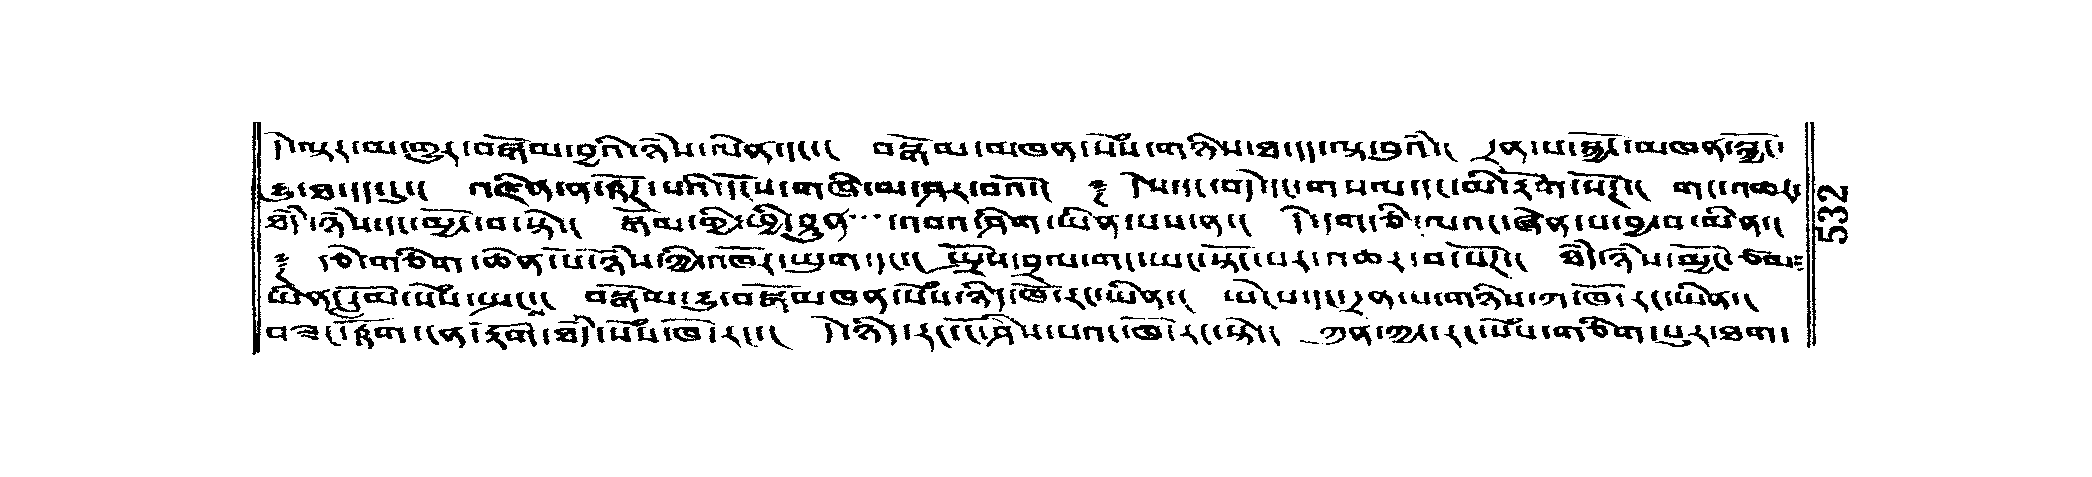དེ་ལྟར་མ་གྱུར་བསྒོམ་བྱའི་ཉམས་ལེན་དང་། །བསྒོམ་མཁན་སེམས་གཉིས་ཐ་དད་ལྟ་བུའམ། །དྲན་པ་སྐྱོང་མཁན་སྐྱོང་
རྒྱུ་ཐ་དད་དུ། །འཛིན་ན་རྟོགས་པའི་དངོས་གཞི་མ་ཤར་བའོ། ༈ དེས་ན་བདེ་དང་གསལ་དང་མི་རྟོག་སོགས། །གང་འཆར་
ཐམས་ཅད་ཉམས་དང་མྱོང་བ་སྟེ། །སྒོམ་གྱི་ཕྱི་ཤུན་འབའ་ཤིག་ཡིན་པས་ན། །དེ་དག་ཅི་ལའང་ཞེན་པ་བྱ་བ་མིན། 
༈ རྩེ་གཅིག་ཆེན་པོ་ཉམས་ཀྱི་འཁོར་ཡུག་དང་། །སྤྲོས་བྲལ་གང་ཡང་སྟོང་པར་འཆར་བ་སོགས། །ཐམས་ཅད་ཉམས་མྱོང་ཙམ་
ཡིན་རློམ་སེམས་སྤང་། །བསྒོམ་རྒྱུ་སྒོམ་མཁན་སེམས་ཉིད་ཁོ་རང་ཡིན། །ཡེངས་དང་དྲན་པ་གཉིས་ཀ་ཁོ་རང་ཡིན། །
བཟང་རྟོག་ངན་རྟོག་ཐམས་ཅད་སེམས་ཁོ་རང་། །དེ་ཉིད་རང་ངོ་ཤེས་པའང་ཁོ་རང་སྟེ། །ཀུན་ཀྱང་རང་སེམས་གཅིག་པུར་ཐག་